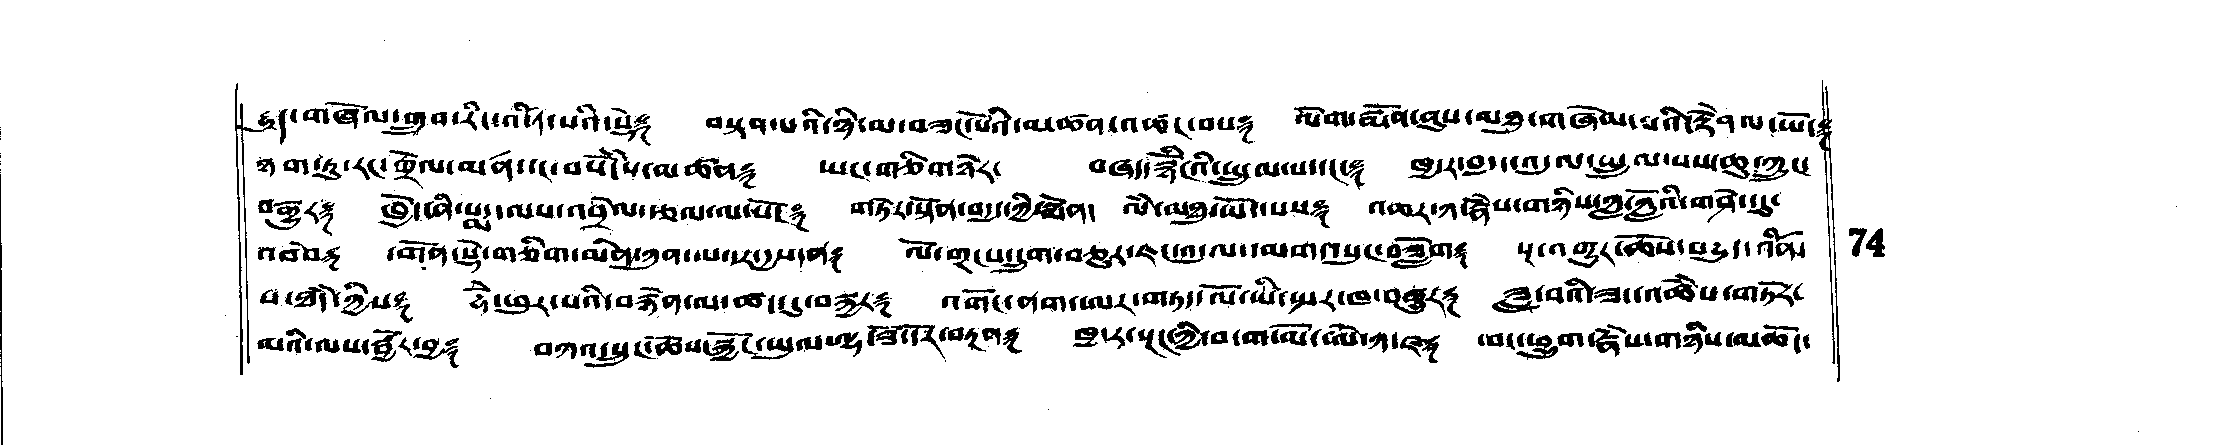རྒྱུད་གཞོལ་གྲུབ་རིགས་འཛིན་པའི་སྡེ། །བསྟན་པའི་ཉི་མ་བཟང་པོའི་མཚན་འཆང་བས། །ལོག་སྨོན་ནུས་མཐུ་གཞོམ་པའི་རྟེན་འབྲེལ་ཡོད། །
ཉག་ཏུ་རང་གྲོལ་མཚན་དང་བསོད་ནམས་མཚན་། །ཡང་གཅིག་ཉེར་བཞད་སྙིང་པོའི་སྤྲུལ་པ་དང་།ཁྱད་པར་བདུད་འདུལ་སྤྲུལ་པས་ཆུ་ཀླུང་
བསྒྱུར། ཁྱོད་ནི་པདྨ་ལས་འབྲེལ་རྩལ་ལ་སོགས། །གཏེར་སྟོན་བརྒྱད་ཀྱི་སྨོན་ལམ་མཐུ་ཡོད་པས། །འཆར་ཀ་རྣམ་གཉིས་ཀླ་ཀློའི་གཤེད་དུ་
འབེབ། །དགོན་སྡེ་གཅིག་མིན་ཀུན་ལ་དར་རྒྱས་ན། །ལོ་གྲངས་དྲུག་ཅུར་ཇག་འདུལ་དམག་དཔུང་བཟློག །སྔ་འགྱུར་ཆོས་བརྒྱུད་འཛིན་
པ་ཐམས་ཅད་ཀྱིས། །རྡོ་རྗེ་ཕུར་པའི་བསྙེན་ལ་ཚད་དུ་བསྐྱར། །འགོང་ནག་ཨར་གཏད་ལོ་ཡི་སྤར་ཁ་བསྒྱུར། །ཟླ་བའི་ཟད་མཚམས་གཏེར་
མའི་ལས་སྦྱོར་བྱ། །བཀའ་སྲུང་ཆོས་སྐྱོང་ཡུལ་ལྷ་ཟོ་དོར་བརྔན། ཁྱད་པར་སྔགས་ཀྱི་བདག་མོ་ཨེ་ཀ་ཛ། །དབང་ཕྱུག་རྣམས་གཉིས་མཆོད་